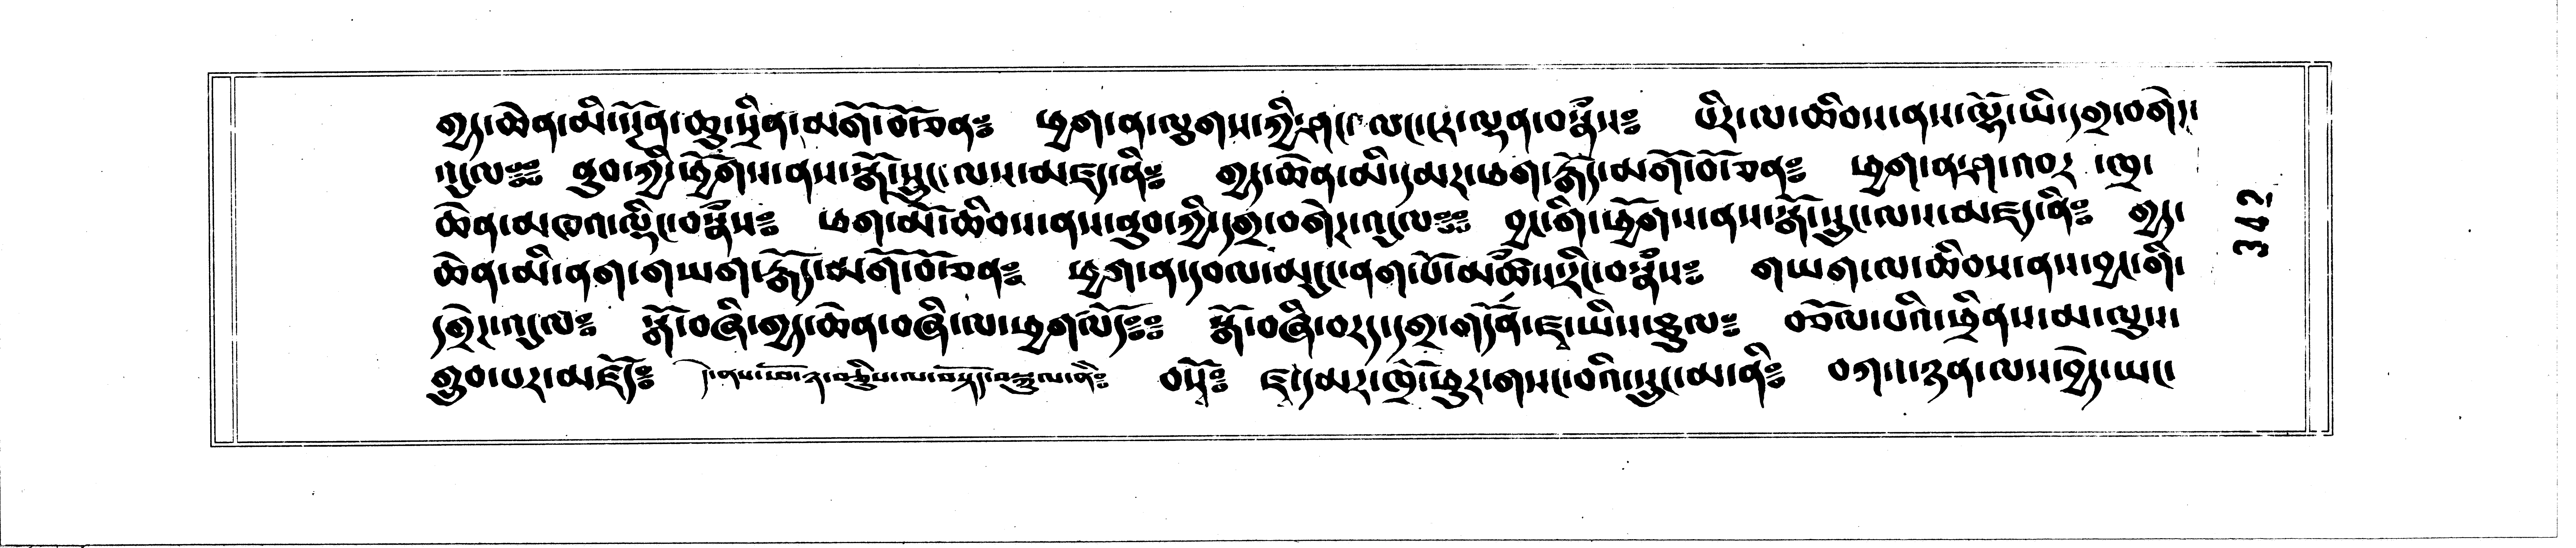གྱད་ཆེན་མི་སྔོན་ཆུ་སྲིན་མགོ་བོ་ཅན༔ ཕྱག་ན་ལྕགས་ཀྱི་ཤང་ལང་ངར་ལྡན་བསྣམས༔ པིར་ལ་ཆིབས་ནས་ལྷོ་ཡི་དགྲ་བགེགས་འདུལ༔༔ 
ནུབ་ཀྱི་ཕྱོགས་ནས་སྒོ་སྲུང་ལས་མཛད་ནི༔ གྱད་ཆེན་མི་དམར་ཕག་རྒོད་མགོ་བོ་ཅན༔ ཕྱག་ན་ཤ་འབར་ཁྲ་
ཆེན་མཁའ་ལྡིང་བསྣམས༔ ཕག་མོ་ཆིབས་ནས་ནུབ་ཀྱི་དགྲ་བགེགས་འདུལ༔༔ བྱང་གི་ཕྱོགས་ནས་སྒོ་སྲུང་ལས་མཛད་ནི༔ གྱད་
ཆེན་མི་ནག་གཡག་རྒོད་མགོ་བོ་ཅན༔ ཕྱག་ན་དབལ་མདུང་ནག་པོ་མཚམས་རིང་བསྣམས༔ གཡག་ལ་ཆིབས་ནས་བྱང་གི་
དགྲེགས་འདུལ༔ སྒོ་བཞི་གྱད་ཆེན་བཞི་ལ་ཕྱག་འཚལ་ལོ༔ སྒོ་བཞིའི་བར་ཆད་དགྲ་གདོན་ཛྭ་ཡིས་ཐུལ༔ བཅོལ་བའི་ཕྲིན་ལས་མ་ལུས་
གྲུབ་པར་མཛོད༔ དེ་ནས་ཕོ་ཉ་བཅུ་གཉིས་ལ་བསྟོད་བསྐུལ་ནི༔ བསྭོ༔ ཛྭ་དམར་ཁྲོ་ཕུར་གསང་བའི་སྲུང་མ་ནི༔ བཀའ་ཉན་ལས་བྱེད་ཡང་